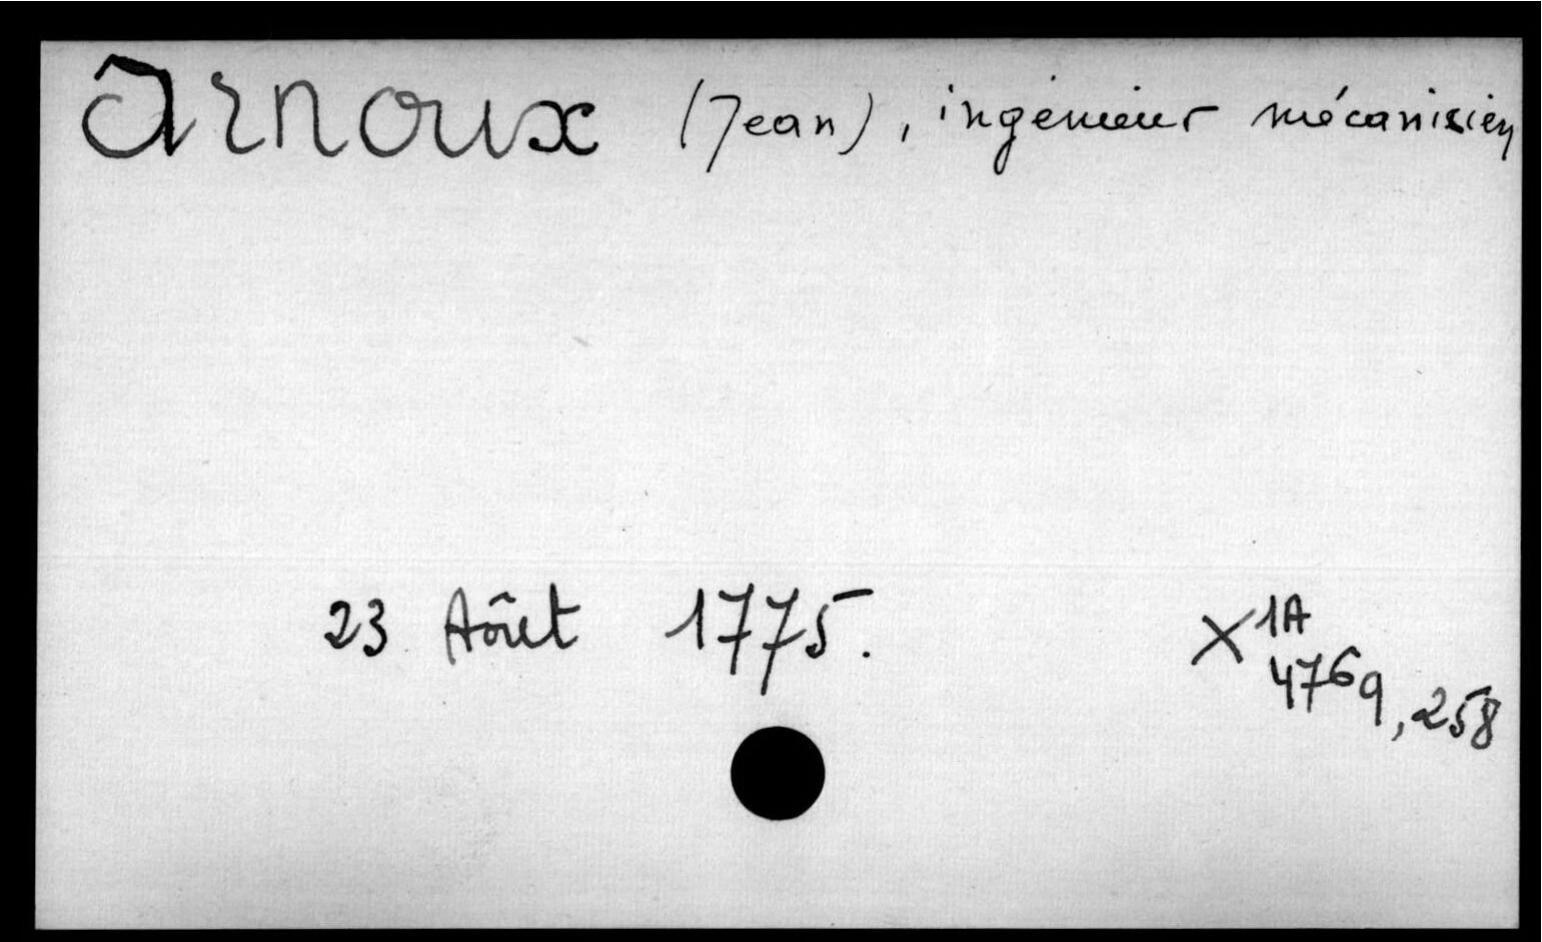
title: Arnoux (Jean), ingénieur mécanicien
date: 23 août 1775
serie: X1A
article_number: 4769
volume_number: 258
